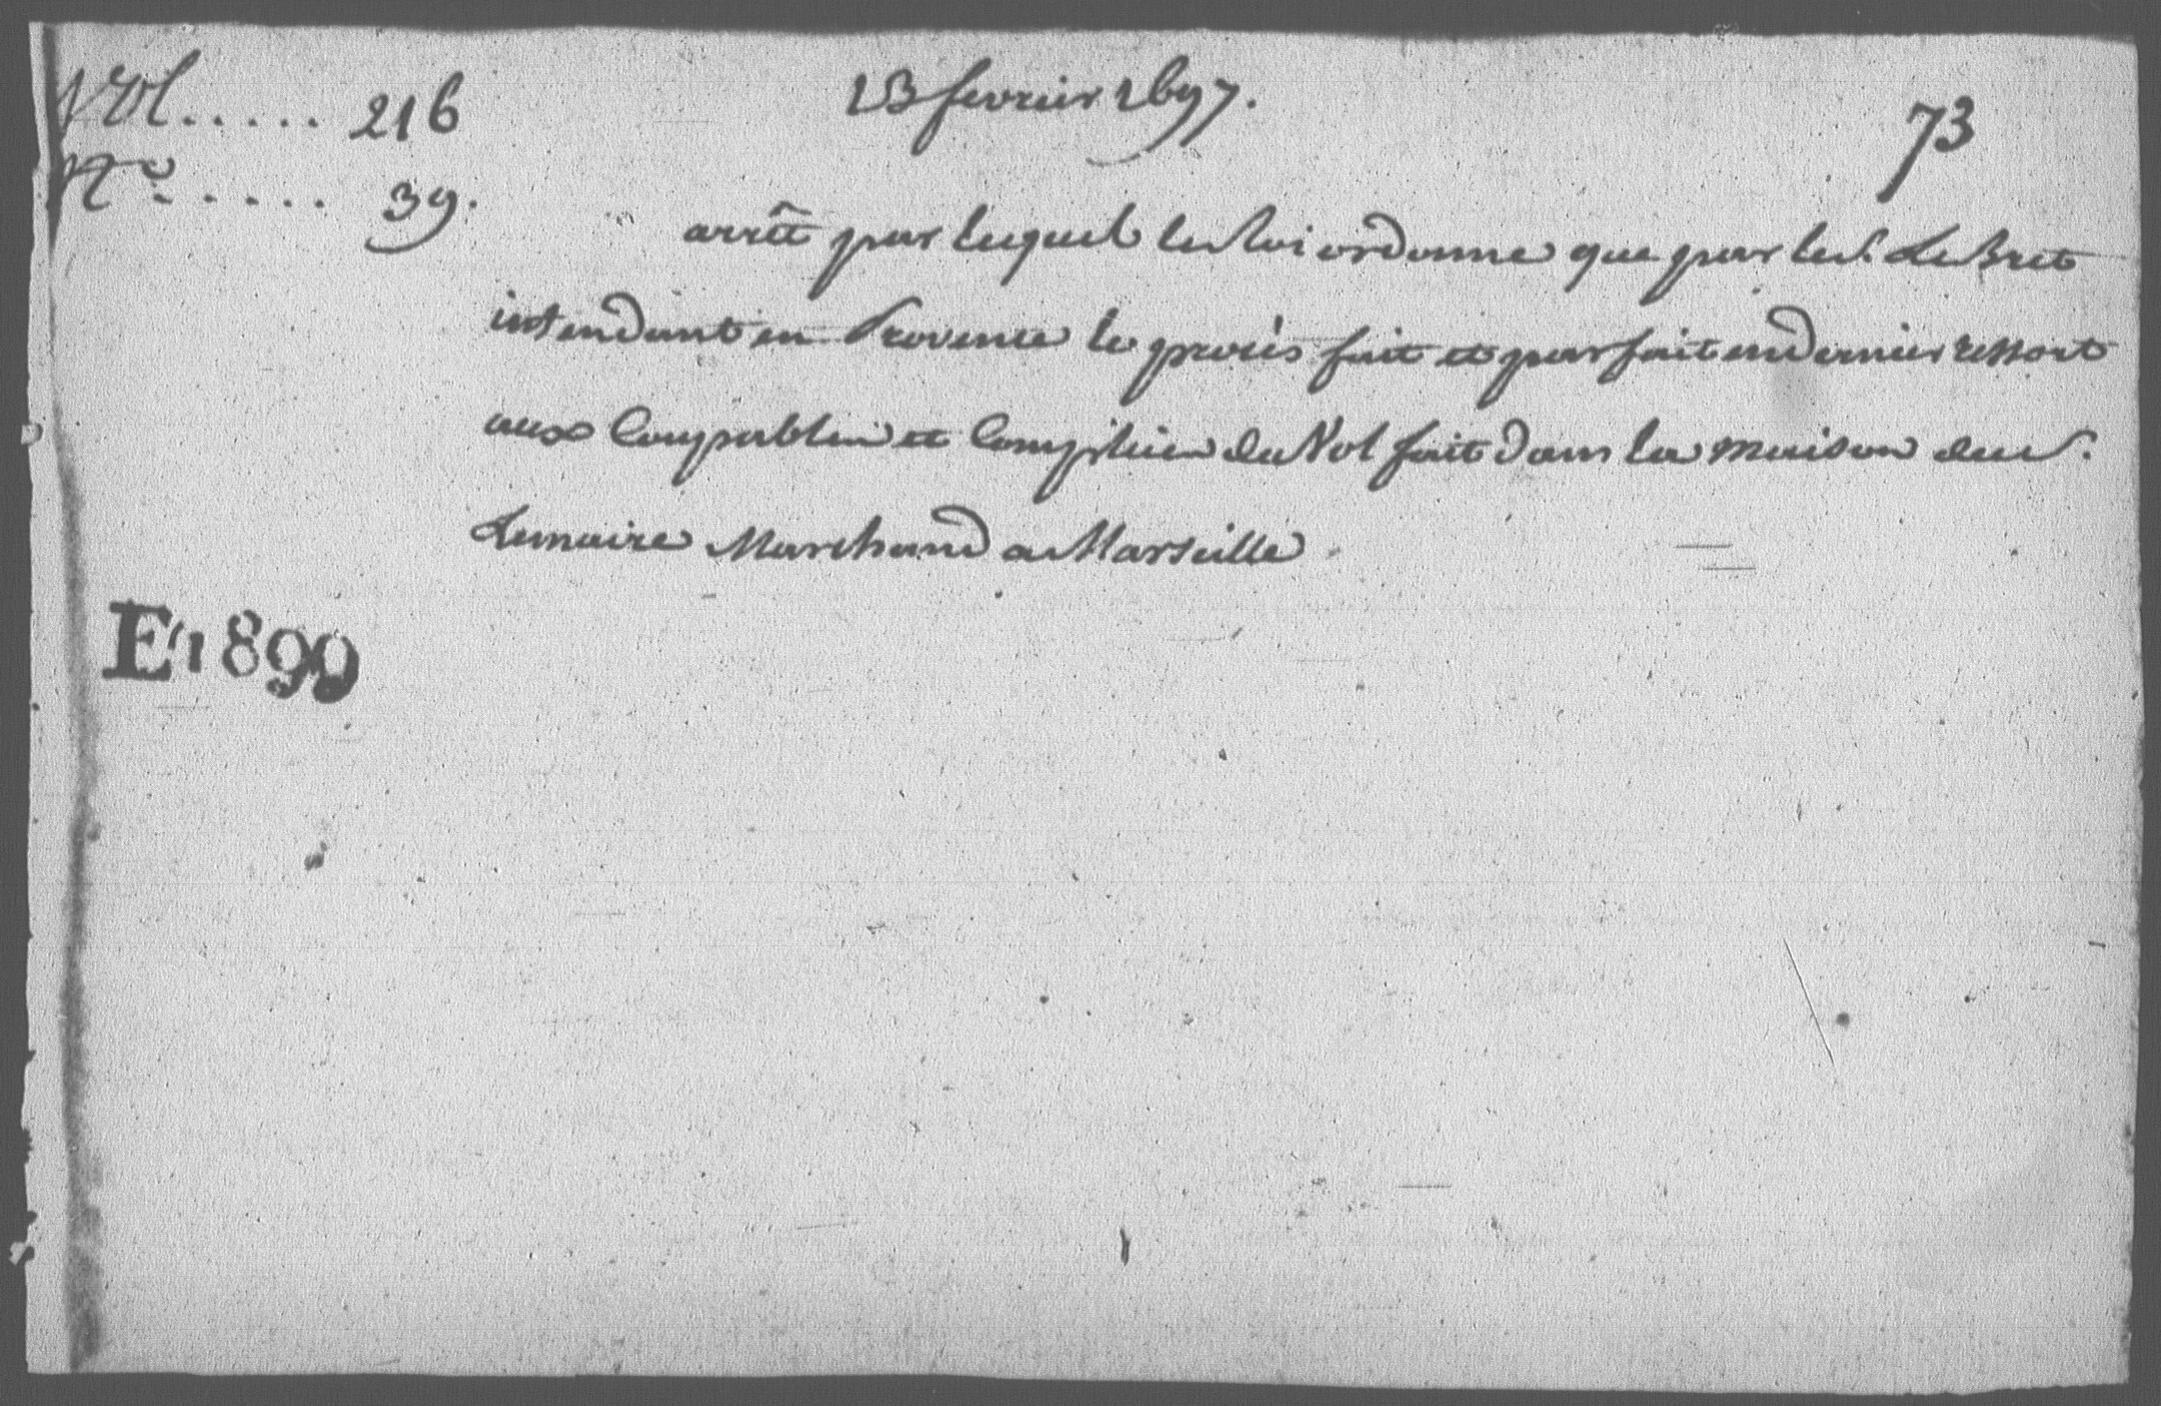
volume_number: n°39
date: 13 février 1697
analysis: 73
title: arrêt par lequel le Roi ordonne que par le S. Le Bret intendant en provence le procès fait et parfait en dernier ressort aux coupables et complices du Vol fait dans la maison du S. Lemaire Marchand a Marseille
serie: E
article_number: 1899
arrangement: vol. 216
